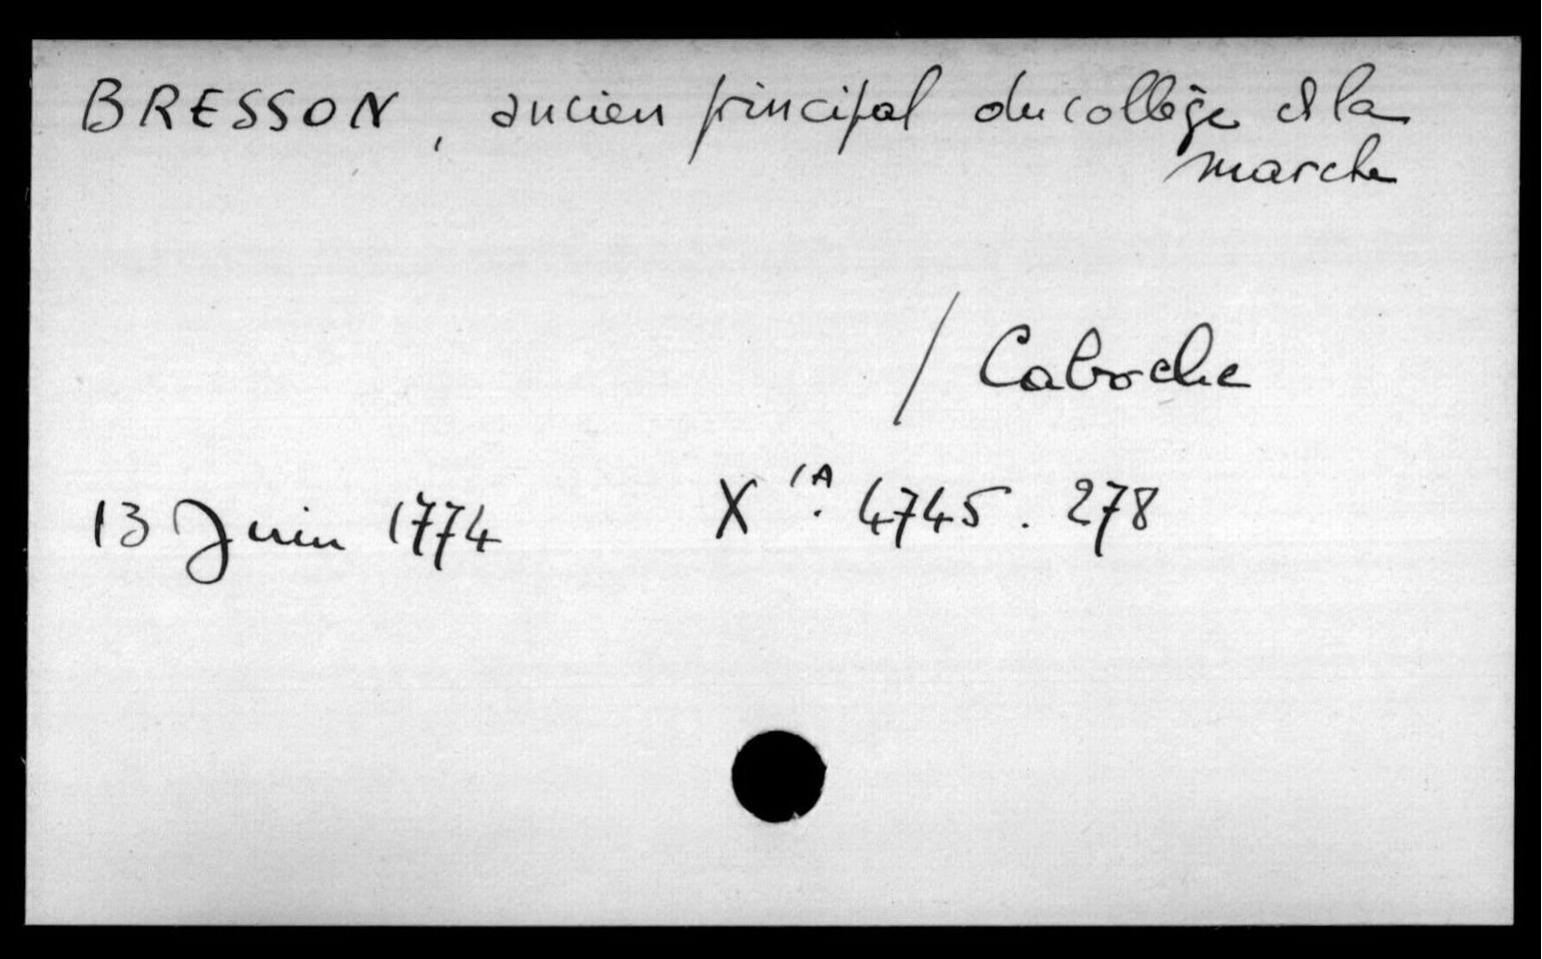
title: BRESSON, ancien principal du collège de la marche
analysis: Contre Caboche
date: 13 juin 1774
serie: X1A
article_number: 4745
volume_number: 278
